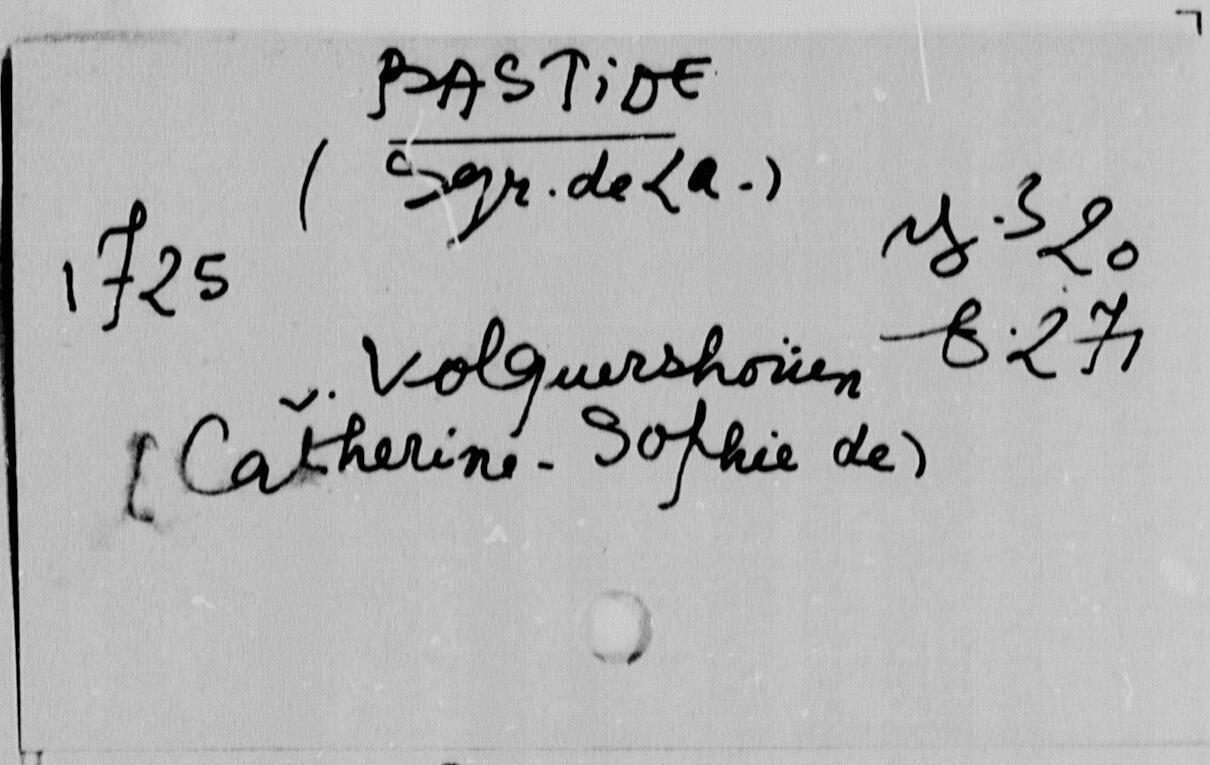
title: BASTIDE (seigneur de La)
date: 1725
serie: Y
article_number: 320
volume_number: fol. 271
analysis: Voir VOLQUERSHOÜEN (Catherine-Sophie de)
